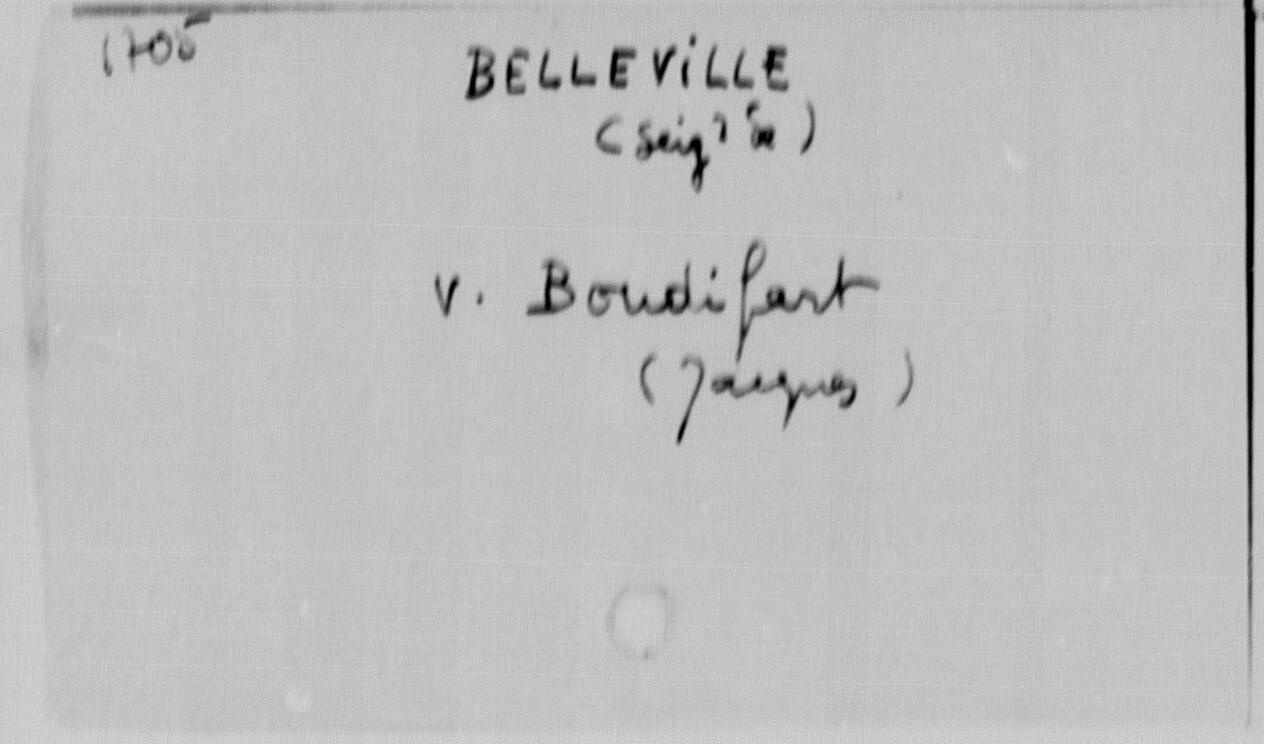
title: BELLEVILLE (seigneur de)
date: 1705
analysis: Voir Boudifart (Jacques)
